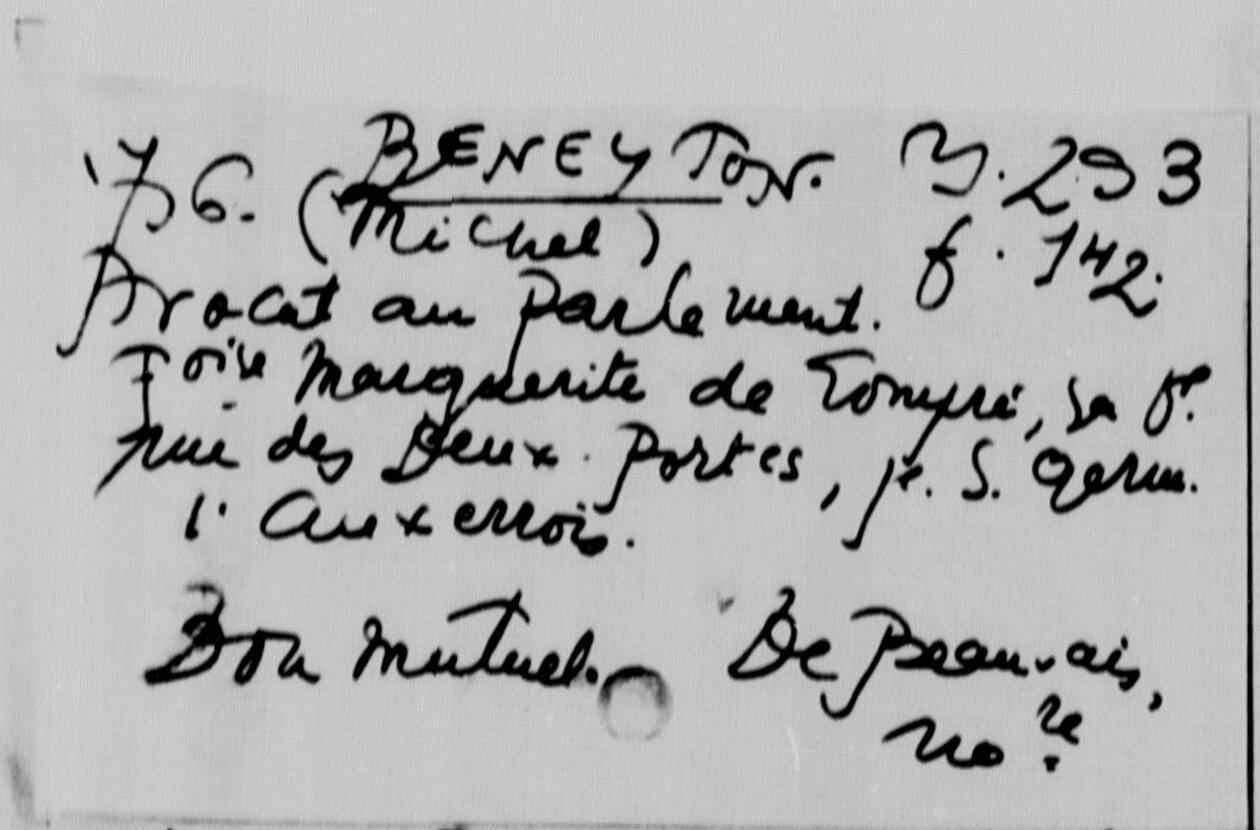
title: BENEYTON (Michel)
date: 1716
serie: Y
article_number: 293
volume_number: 142
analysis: Avocat au Parlement. Françoise Marguerite de Lompré, sa femme, rue des Deux-Portes, paroisse Saint-Germain-l'Auxerrois. Don mutuel. De Beauvais, notaire
